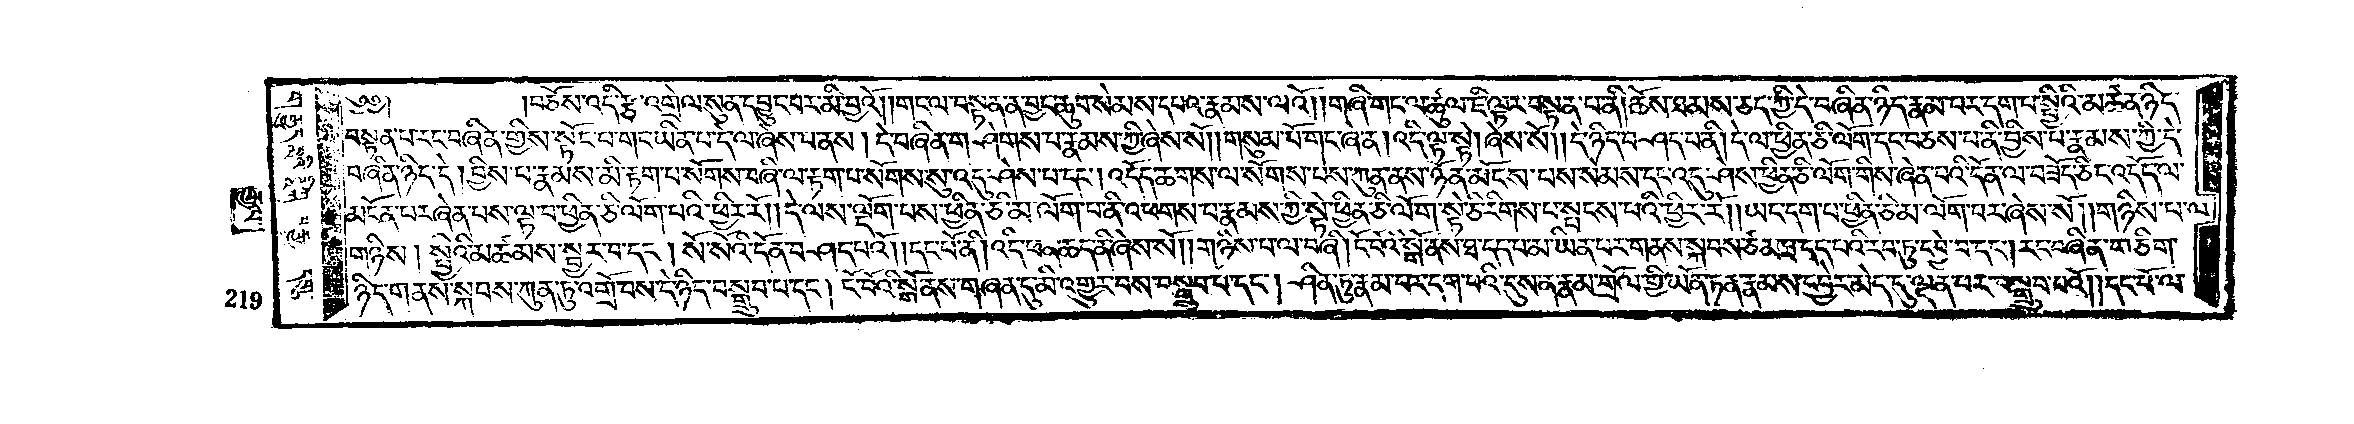༄༅། །བཅོས་འདི་རྩ་འགྲེལ་སུན་དབྱུང་བར་མི་བྱའོ། །གང་ལ་བསྟན་ན་བྱང་ཆུབ་སེམས་དཔའ་རྣམས་ལའོ། །གཞི་གང་ལ་ཚུལ་ཇི་ལྟར་བསྟན་པ་ནི། ཆོས་ཐམས་ཅད་ཀྱི་དེ་བཞིན་ཉིད་རྣམ་པར་དག་པ་སྤྱིའི་མཚན་ཉིད་
བསྟན་པ་རང་བཞིན་གྱིས་སྟོང་པ་གང་ཡིན་པ་དེ་ལ་ཞེས་པ་ནས། དེ་བཞིན་གཤེགས་པ་རྣམས་ཀྱི་ཞེས་སོ། །གསུམ་པོ་གང་ཞེ་ན། འདི་ལྟ་སྟེ། ཞེས་སོ། །དེ་ཉིད་བཤད་པ་ནི། དེ་ལ་ཕྱིན་ཅི་ལོག་དང་བཅས་པ་ནི་བྱིས་པ་རྣམས་ཀྱི་དེ་
བཞིན་ཉིད་དེ། བྱིས་པ་རྣམས་མི་རྟག་པ་སོགས་བཞི་ལ་རྟག་པ་སོགས་སུ་འདུ་ཤེས་པ་དང་། འདོད་ཆགས་ལ་སོགས་པས་ཀུན་ནས་ཉོན་མོངས་པས་སེམས་དང་འདུ་ཤེས་ཕྱིན་ཅི་ལོག་གིས་ཞེན་པའི་དོན་ལ་བཟོད་ཅིང་འདོད་ལ་
མངོན་པར་ཞེན་པས་ལྟ་བ་ཕྱིན་ཅི་ལོག་པའི་ཕྱིར་རོ། །དེ་ལས་ལྡོག་པས་ཕྱིན་ཅི་མ་ལོག་པ་ནི་འཕགས་པ་རྣམས་ཀྱི་སྟེ་ཕྱིན་ཅི་ལོག་སྟེ་ཅི་རིགས་པ་སྤངས་བའི་ཕྱིར་རོ། །ཡང་དག་པ་ཕྱིན་ཅི་མ་ལོག་པར་ཞེས་སོ། །གཉིས་པ་ལ་
གཉིས༑ སྤྱིའི་མཚམས་སྦྱར་བ་དང་། སོ་སོའི་དོན་བཤད་པའོ། །དང་པོ་ནི། འདི་ཕན་ཆད་ནི་ཞེས་སོ། །གཉིས་པ་ལ་བཞི། ངོ་བོའི་སྒོ་ནས་ཐ་དད་པ་མ་ཡིན་པར་གནས་སྐབས་ཙམ་ཐ་དད་པའི་རབ་ཏུ་དབྱེ་བ་དང་། རང་བཞིན་གཅིག་
ཉིད་གནས་སྐབས་ཀུན་ཏུ་འགྲོ་བས་དེ་ཉིད་བསྒྲུབ་པ་དང་། ངོ་བོའི་སྒོ་ནས་གཞན་དུ་མི་འགྱུར་བས་བསྒྲུབ་པ་དང་། ཤིན་ཏུ་རྣམ་པར་དག་པའི་དུས་ན་རྣམ་གྲོལ་གྱི་ཡོན་ཏན་རྣམས་དབྱེར་མེད་དུ་ལྡན་པར་བསྒྲུབ་པའོ། །དང་པོ་ལ་